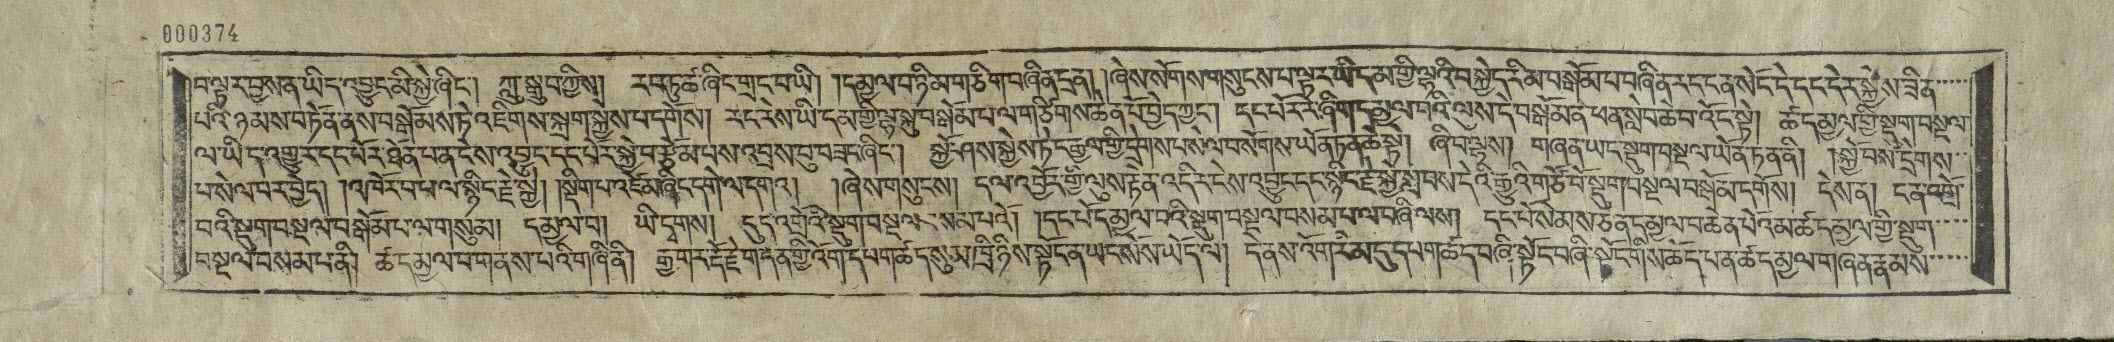བ་ལྟར་བྱས་ན་ཡིད་འབྱུང་མི་སྐྱེ་ཞིང་། ཀླུ་སྒྲུབ་ཀྱིས། རབ་ཏུ་ཚ་ཞིང་གྲང་བ་ཡི། །དམྱལ་བ་ཉི་མ་གཅིག་བཞིན་དྲན། །ཞེས་སོགས་གསུངས་པ་ལྟར་ཡི་དམ་གྱི་ལྷའི་བསྐྱེད་རིམ་བསྒོམ་པ་བཞིན་རང་ངན་སོང་དེ་དང་དེར་སྐྱེས་ཟིན་
པའི་ཉམས་བཏོན་ནས་བསྒོམས་ཏེ་འཇིགས་སྐྲག་སྐྱེས་པ་དགོས། རང་རེས་ཡི་དམ་གྱི་ལྷ་སྐུ་བསྒོམ་པ་ལ་གཙིགས་ཆེན་པོ་བྱེད་ཀྱང་། དང་པོར་རེ་ཞིག་དམྱལ་བའི་ལུས་དེ་བསྒོམ་ན་ཕན་སླེབ་ཆེ་བ་འོང་སྟེ། ཚ་དམྱལ་གྱི་སྡུག་བསྔལ་
ལ་ཡིད་འགྱུར་དང་པོར་ཐོན་པ་ན་ངེས་འབྱུང་དང་པོར་སྐྱེ་བ་རྩོམ་པས་འབྲས་བུ་བཟང་ཞིང་། སྐྱོ་ཤས་སྐྱེས་ཏེ་ང་རྒྱལ་གྱི་དྲེགས་པ་སེལ་བ་སོགས་ཡོན་ཏན་ཆེ་སྟེ། ཞི་བ་ལྷས། གཞན་ཡང་སྡུག་བསྔལ་ཡོན་ཏན་ནི། །སྐྱོ་བས་དྲེགས་
པ་སེལ་བར་བྱེད། །འཁོར་བ་པ་ལ་སྙིང་རྗེ་སྐྱེ། །སྡིག་པ་འཛེམ་ཞིང་དགེ་ལ་དགའ། །ཞེས་གསུངས། དལ་འབྱོར་གྱི་ལུས་རྟེན་འདིར་ངེས་འབྱུང་དང་སྙིང་རྗེ་སྐྱེ་སླ་བས་དེའི་རྒྱུའི་གཙོ་བོ་སྡུག་བསྔལ་བསྒོམ་དགོས། དེས་ན། ངན་འགྲོ་
བའི་སྡུག་བསྔལ་བསྒོམ་པ་ལ་གསུམ། དམྱལ་བ། ཡི་དྭགས། དུད་འགྲོའི་སྡུག་བསྔལ་བསམ་པའོ། །དང་པོ་དམྱལ་བའི་སྡུག་བསྔལ་བསམ་པ་ལ་བཞི་ལས། དང་པོ་སེམས་ཅན་དམྱལ་བ་ཆེན་པོའམ་ཚ་དམྱལ་གྱི་སྡུག་
བསྔལ་བསམ་པ་ནི། ཚ་དམྱལ་བ་གནས་པའི་གཞི་ནི། རྒྱ་གར་རྡོ་རྗེ་གདན་གྱི་འོག་དཔག་ཚད་སུམ་ཁྲི་ཉིས་སྟོང་ན་ཡང་སོས་ཡོད་ལ། དེ་ནས་འོག་རིམ་དུ་དཔག་ཚད་བཞི་སྟོང་བཞི་སྟོང་གིས་ཆོད་པ་ན་ཚ་དམྱལ་གཞན་རྣམས་